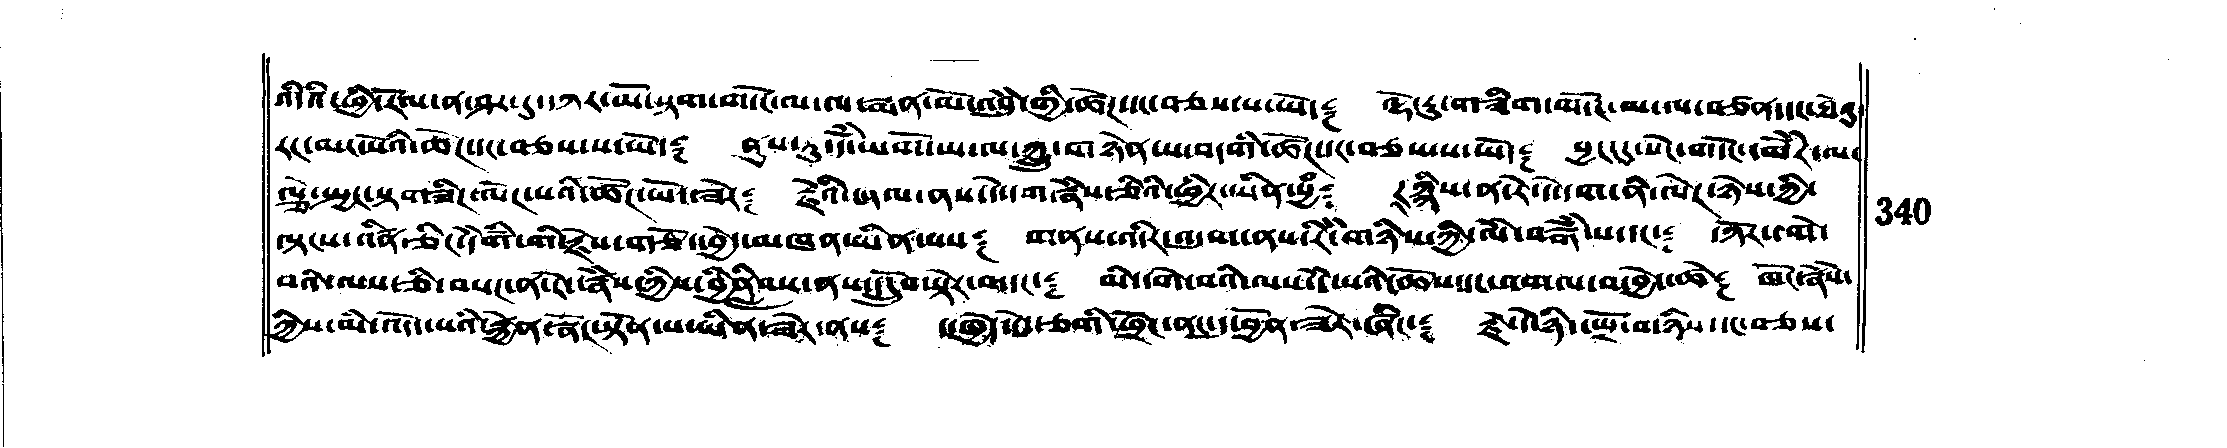འདིའི་ཕྱི་རོལ་ན་ཤར་དུ་དཀར་མོ་སྟག་གདོང་མ་ལ་སྨན་མོ་འབུམ་གྱི་ཚོགས་དང་བཅས་པ་ཡོད། ལྷོ་རུ་གཟིག་གདོང་མ་ལ་བཙན་དང་ཐེའུ་
རང་མང་པོའི་ཚོགས་དང་བཅས་པ་ཡོད། ནུབ་ཏུ་དོམ་མགོ་མ་ལ་ཀླུ་གཉེན་ས་བདག་གི་ཚོགས་དང་བཅས་པ་ཡོད། བྱང་དུ་སེང་གདོང་དམར་མོ་ལ་
ལྕེ་སྤྱང་སྟག་གཟིག་ལ་སོགས་པའི་ཚོགས་ཡོད་ཟེར། རྗེའི་ཞལ་ནས་དེ་དག་རྣམས་ཅིའི་ཕྱིར་ཡིན་གསུང་། ཌཱཀྐིས་ན་རེ་དེ་དག་ནི་ལེགས་ཉེས་ཀྱི་
སྟངས་འཛིན་ཅིང་དམ་ཚིག་གི་རྗེས་གཅོད་བྱེད་མཁན་ཡིན་པས། གནས་འདིར་འདུག་ནས་རིམ་གཉིས་ཀྱི་ལམ་བསྒོམ་པ་དང་།དཀར་པོ་དགེ་
བའི་ལས་ཅི་བསགས་ན་ངེད་རྣམས་ཀྱི་བྱིན་གྱིས་རླབས་ནས་དངོས་གྲུབ་སྟེར་བ་དང་། མི་དགེ་བའི་ལས་དམ་པའི་ཆོས་དང་འགལ་བ་བྱེད་ཚེ། ཁོང་རྣམས་
ཀྱིས་མི་འདོད་པའི་རྐྱེན་སྣ་ཚོགས་སྟོན་པ་ཡིན་ཟེར་ནས། ད་ཁྱོད་ངེད་ཅག་གི་ཕོ་བྲང་ནང་དུ་བྱོན་ཟེར་ཞིང་། རྗེ་དེ་ཉིད་མཁའ་འགྲོ་གཉིས་དང་བཅས་